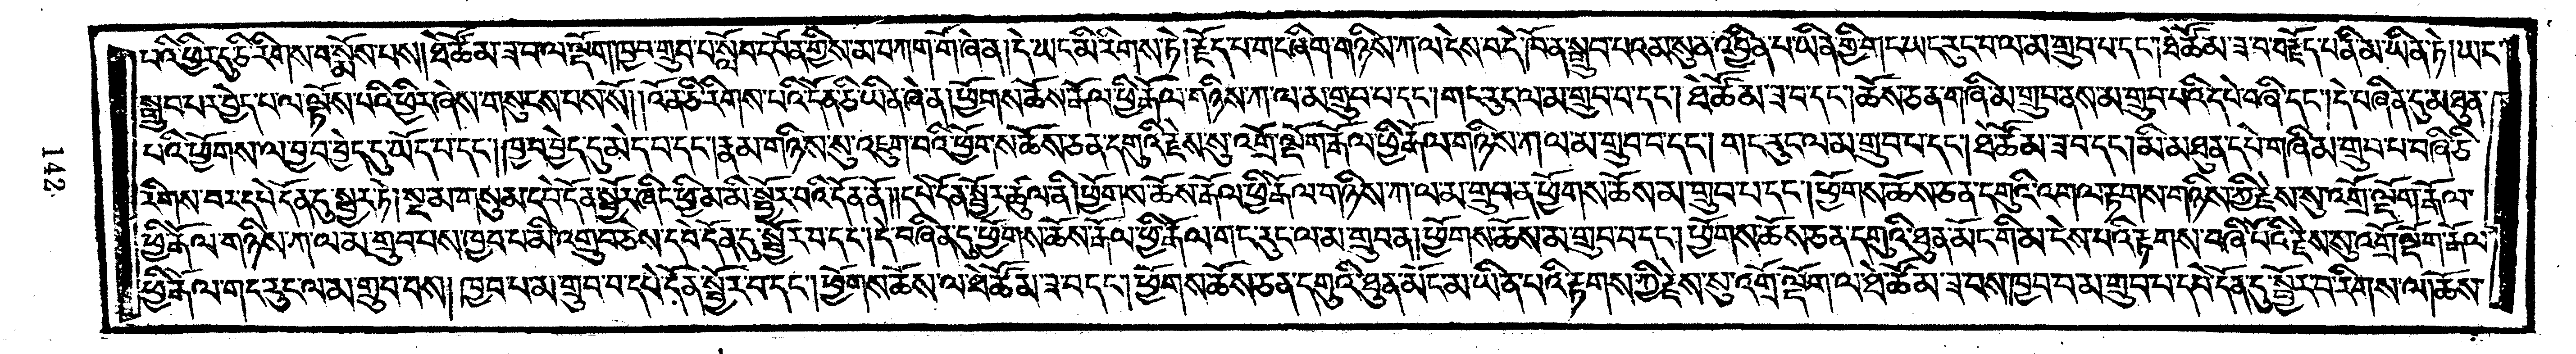པའི་ཕྱིར་དུ་ཅི་རིགས་པ་སྨོས་པས། ཐེ་ཚོམ་ཟ་བ་ལ་ལྡོག་ཁྱབ་གྲུབ་པ་སློབ་དཔོན་གྱིས་མ་བཀག་གཞེན། དེ་ཡང་མི་རིགས་ཏེ། རྗོད་པ་གང་ཞིག་གཉིས་ཀ་ལ་ངེས་པ་དེ་ཁོ་ན་སྒྲུབ་པའམ་སུན་འབྱིན་པ་ཡིན་གྱི་གང་ཡང་རུང་བ་ལ་མ་གྲུབ་པ་དང་། ཐེ་ཚོམ་ཟ་བ་བརྗོད་པ་ནི་མ་ཡིན་ཏེ། ཡང་
སྒྲུབ་པར་བྱེད་པ་ལ་ལྟོས་པའི་ཕྱིར་ཞེས་གསུངས་པས་སོ། །འོ་ན་ཅི་རིགས་པའི་དོན་ཅི་ཡིན་ཞེ་ན། ཕྱོགས་ཆོས་རྒོལ་ཕྱི་རྒོལ་གཉིས་ཀ་ལ་མ་གྲུབ་པ་དང་། གང་རུང་ལ་མ་གྲུབ་པ་དང་། ཐེ་ཚོམ་ཟ་བ་དང་། ཆོས་ཅན་གཞི་མ་གྲུབ་ནས་མ་གྲུབ་པའི་དཔེ་བཞི་དང་། དེ་བཞིན་དུ་མཐུན་
པའི་ཕྱོགས་ལ་ཁྱབ་བྱེད་དུ་ཡོད་པ་དང་། ཁྱབ་བྱེད་དུ་མེད་པ་དང་། རྣམ་གཉིས་སུ་འཇུག་པའི་ཕྱོགས་ཆོས་ཅན་དགུའི་རྗེས་སུ་འགྲོ་ལྡོག་རྒོལ་ཕྱི་རྒོལ་གཉིས་ཀ་ལ་མ་གྲུབ་པ་དང་། གང་རུང་ལ་མ་གྲུབ་པ་དང་། ཐེ་ཚོམ་ཟ་བ་དང་། མི་མཐུན་དཔེ་གཞི་མ་གྲུབ་པ་བཞི་ཅི་
རིགས་པར་དཔེ་དོན་དུ་སྦྱར་ཏེ། སྔ་མ་གསུམ་དཔེ་དོན་སྦྱོར་ཞིང་ཕྱི་མ་མི་སྦྱོར་བའི་དོན་ནོ། །དཔེ་དོན་སྦྱོར་ཚུལ་ནི། ཕྱོགས་ཆོས་རྒོལ་ཕྱི་རྒོལ་གཉིས་ཀ་ལ་མ་གྲུབ་ན་ཕྱོགས་ཆོས་མ་གྲུབ་པ་དང་། ཕྱོགས་ཆོས་ཅན་དགུའི་འགལ་རྟགས་གཉིས་ཀྱི་རྗེས་སུ་འགྲོ་ལྡོག་རྒོལ་
ཕྱི་རྒོལ་གཉིས་ཀ་ལ་མ་གྲུབ་པས་ཁྱབ་པ་མི་འགྲུབ་ཅེས་དཔེ་དོན་དུ་སྦྱོར་བ་དང་། དེ་བཞིན་དུ་ཕྱོགས་ཆོས་རྒོལ་ཕྱི་རྒོལ་གང་རུང་ལ་མ་གྲུབ་ན། ཕྱོགས་ཆོས་མ་གྲུབ་པ་དང་། ཕྱོགས་ཆོས་ཅན་དགུའི་ཐུན་མོང་གི་མ་ངེས་པའི་རྟགས་བཞི་པོའི་རྗེས་སུ་འགྲོ་ལྡོག་རྒོལ་
ཕྱི་རྒོལ་གང་རུང་ལ་མ་གྲུབ་པས། ཁྱབ་པ་མ་གྲུབ་པ་དཔེ་དོན་སྦྱོར་བ་དང་། ཕྱོགས་ཆོས་ལ་ཐེ་ཚོམ་ཟ་བ་དང་། ཕྱོགས་ཆོས་ཅན་དགུའི་ཐུན་མོང་མ་ཡིན་པའི་རྟགས་ཀྱི་རྗེས་སུ་འགྲོ་ལྡོག་ལ་ཐེ་ཚོམ་ཟ་བས་ཁྱབ་པ་མ་གྲུབ་པ་དཔེ་དོན་དུ་སྦྱོར་བ་རིགས་ལ། ཆོས་